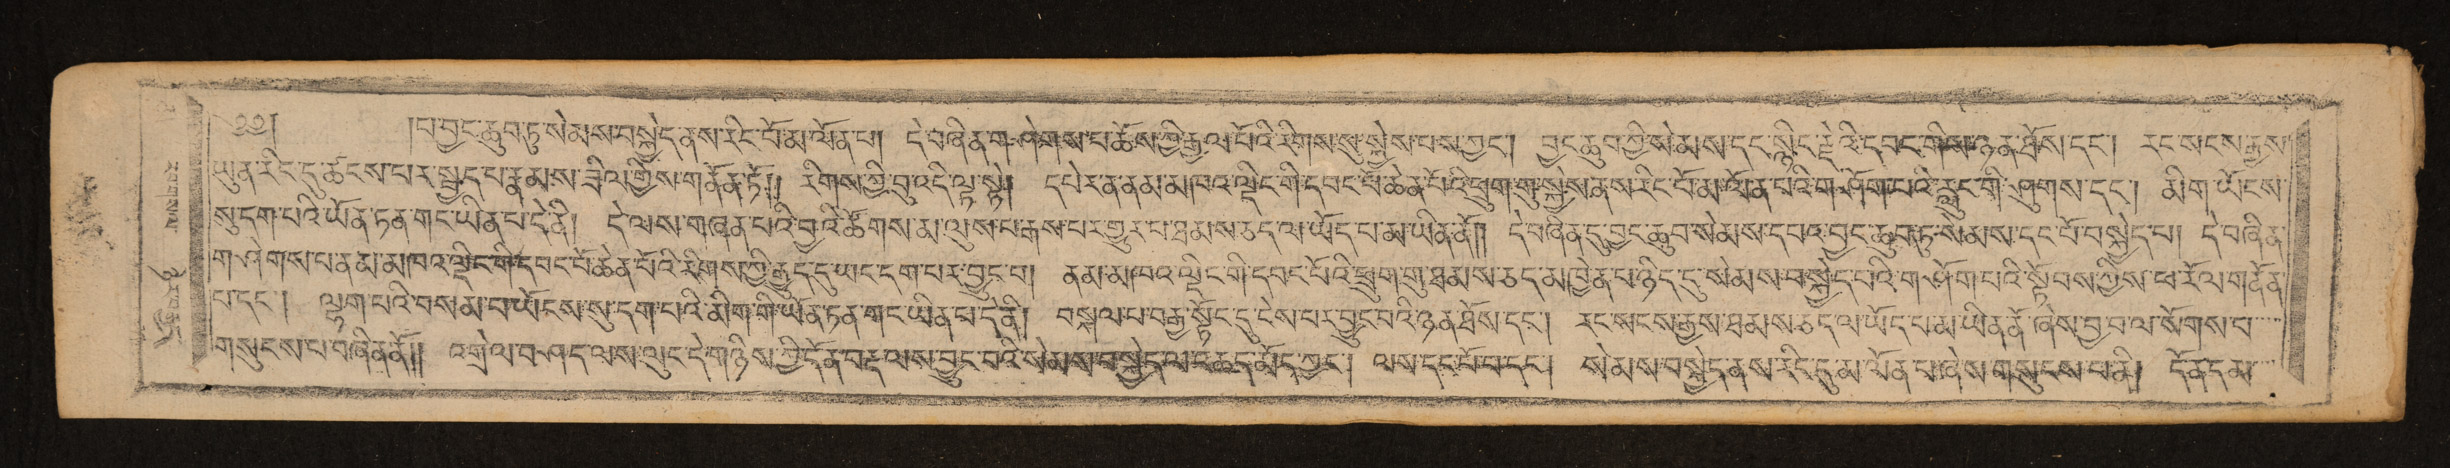༄༅། །པ་བྱང་ཆུབ་ཏུ་སེམས་བསྐྱེད་ནས་རིང་པོ་མ་ལོན་པ། དེ་བཞིན་གཤེགས་པ་ཆོས་ཀྱི་རྒྱལ་པོའི་རིགས་སུ་སྐྱེས་པས་ཀྱང་། བྱང་ཆུབ་ཀྱི་སེམས་དང་སྙིང་རྗེའི་དབང་གིས་ཉན་ཐོས་དང་། རང་སངས་རྒྱས་
ཡུན་རིང་དུ་ཚངས་པར་སྤྱད་པ་རྣམས་ཟིལ་གྱིས་གནོན་ཏོ།། རིགས་ཀྱི་བུ་འདི་ལྟ་སྟེ། དཔེར་ན་ནམ་མཁའ་ལྡིང་གི་དབང་པོ་ཆེན་པོའི་ཕྲུག་གུ་སྐྱེས་ནས་རིང་པོ་མ་ལོན་པའི་གཤོག་པའི་རླུང་གི་ཤུགས་དང་། མིག་ཡོངས་
སུ་དག་པའི་ཡོན་ཏན་གང་ཡིན་པ་དེ་ནི། དེ་ལས་གཞན་པའི་བྱའི་ཚོགས་མ་ལུས་པ་རྒས་པར་གྱུར་པ་ཐམས་ཅད་ལ་ཡོད་པ་མ་ཡིན་ནོ།། དེ་བཞིན་དུ་བྱང་ཆུབ་སེམས་དཔའ་བྱང་ཆུབ་ཏུ་སེམས་དང་པོ་བསྐྱེད་པ། དེ་བཞིན་
གཤེགས་པ་ནམ་མཁའ་ལྡིང་གི་དབང་པོ་ཆེན་པོའི་རིགས་ཀྱི་རྒྱུད་དུ་ཡང་དག་པར་བྱུང་བ། ནམ་མཁའ་ལྡིང་གི་དབང་པོའི་ཕྲུག་གུ་ཐམས་ཅད་མཁྱེན་པ་ཉིད་དུ་སེམས་བསྐྱེད་པའི་གཤོག་པའི་སྟོབས་ཀྱིས་ཕ་རོལ་གནོན་
པ་དང་། ལྷག་པའི་བསམ་པ་ཡོངས་སུ་དག་པའི་མིག་གི་ཡོན་ཏན་གང་ཡིན་པ་དེ་ནི། བསྐལ་པ་བརྒྱ་སྟོང་དུ་ངེས་པར་བྱུང་བའི་ཉན་ཐོས་དང་། རང་སངས་རྒྱས་ཐམས་ཅད་ལ་ཡོད་པ་མ་ཡིན་ནོ་ཞེས་བྱ་བ་ལ་སོགས་པ་
གསུངས་པ་བཞིན་ནོ།། འགྲེལ་བཤད་ལས་ལུང་དེ་གཉིས་ཀྱི་དོན་བརྡ་ལས་བྱུང་བའི་སེམས་བསྐྱེད་ལ་འཆད་མོད་ཀྱང་། ལས་དང་པོ་བ་དང་། སེམས་བསྐྱེད་ནས་རིང་དུ་མ་ལོན་པ་ཞེས་གསུངས་པ་ནི། དོན་དམ་